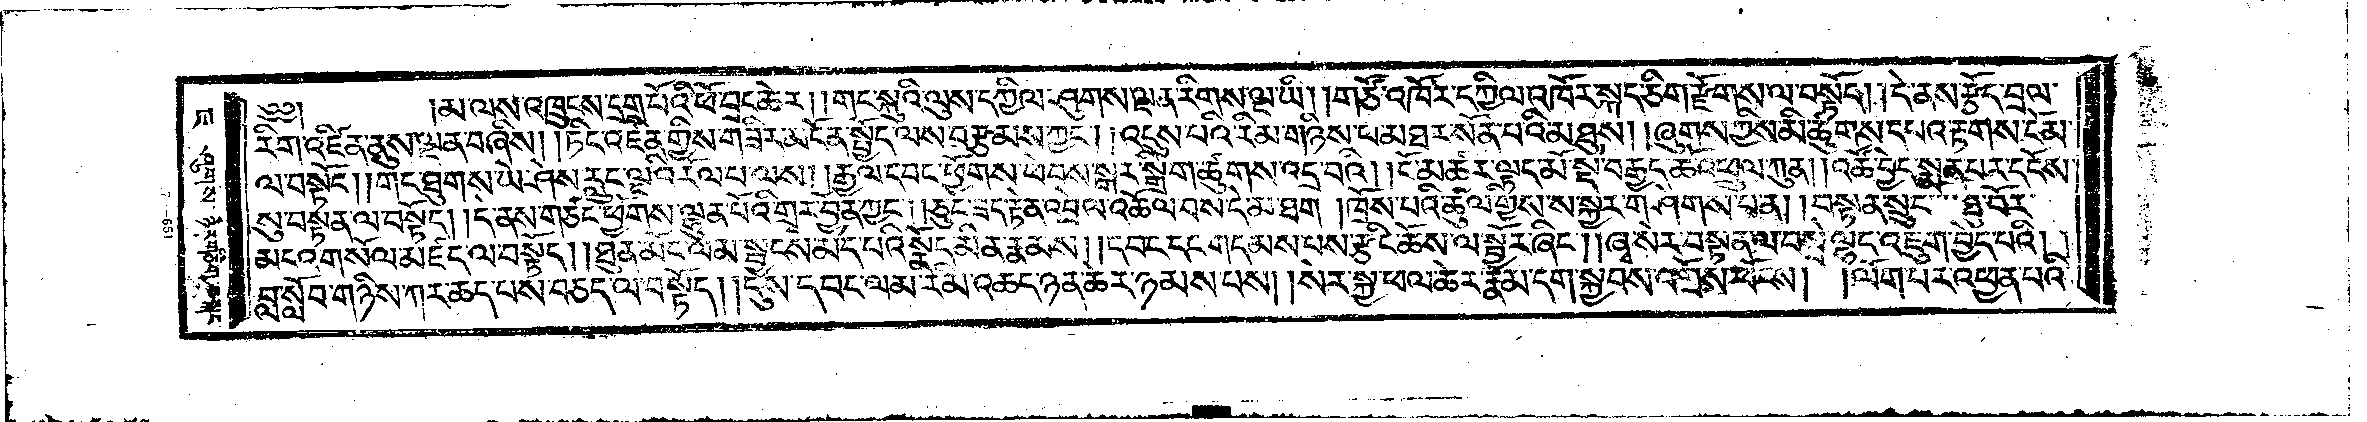༄༅། །མ་ལས་འཁྲུངས་དྲག་པོའི་ཕོ་བྲང་ཚར། །གང་སྐུའི་ལུས་དཀྱིལ་ཤུགས་ལྡན་རིགས་ལྔ་ཡི། །གཙོ་འཁོར་དཀྱིལ་འཁོར་སྐད་ཅིག་རྫོགས་ལ་བསྟོད། །དེ་ནས་རྩོད་བྲལ་
རིག་འཛིན་ནུས་ལྡན་བཞིས། །ཏིང་འཛིན་གྱིས་གཟིར་མངོན་སྤྱོད་ལས་བརྩམས་ཀྱང་། །འདུས་པའི་རིམ་གཉིས་ཕ་མཐར་སོན་པའི་མཐུས། །ཞུགས་ཀྱིས་མི་ཚུགས་དཔའ་རྟགས་ངོ་མ་
ལ་བསྟོད། །གང་ཐུགས་ཡེ་ཤེས་རླུང་ལྔའི་རོལ་པ་ལས། །རྒྱལ་དབང་ཕྱོགས་ཕེབས་སྒྲ་སྒྲིག་ཚུགས་འདྲ་བའི། །ངོ་མཚར་ལྟད་མོ་སྡེ་བརྒྱད་ཆོ་འཕྲུལ་ཀུན། །འཚོ་བྱེད་སྨན་པར་དངོས་
སུ་བསྟན་ལ་བསྟོད། །དེ་ནས་གཙང་ཕྱོགས་ལྷུན་པོའི་གྲར་བྱོན་ཀྱང་། །ཅུང་ཟད་རྟེན་འབྲེལ་འཆོལ་བས་དེ་མ་ཐག །ཁྲོས་པའི་ཚུལ་གྱིས་ས་སྐྱར་གཤེགས་པ་ན། །བསྟན་སྲུང་ཐུ་བོར་
མངའ་གསོལ་མཛད་ལ་བསྟོད། །ཐུན་མོང་ལམ་སྦྱངས་མེད་པའི་སྣོད་མིན་རྣམས། །དབང་དང་གདམས་པས་རྩིང་ཆོས་ལ་སྦྱོར་ཞིང་། །ཞྭ་སེ་ར་བསྟན་ལ་བསྲེ་ལྷང་འཇུག་བྱེད་པའི། །
བླ་སློབ་གཉིས་ཀར་ཆད་པས་བཅད་ལ་བསྟོད། །དུས་དབང་ལམ་རིམ་འཆད་ཉན་ཆེར་ཉམས་པས། །སེར་སྐྱ་ཕལ་ཆེར་རྣམ་དག་སྐྱབས་འགྲོས་ཕོངས། །ལོག་པར་འཕྱན་པའི་